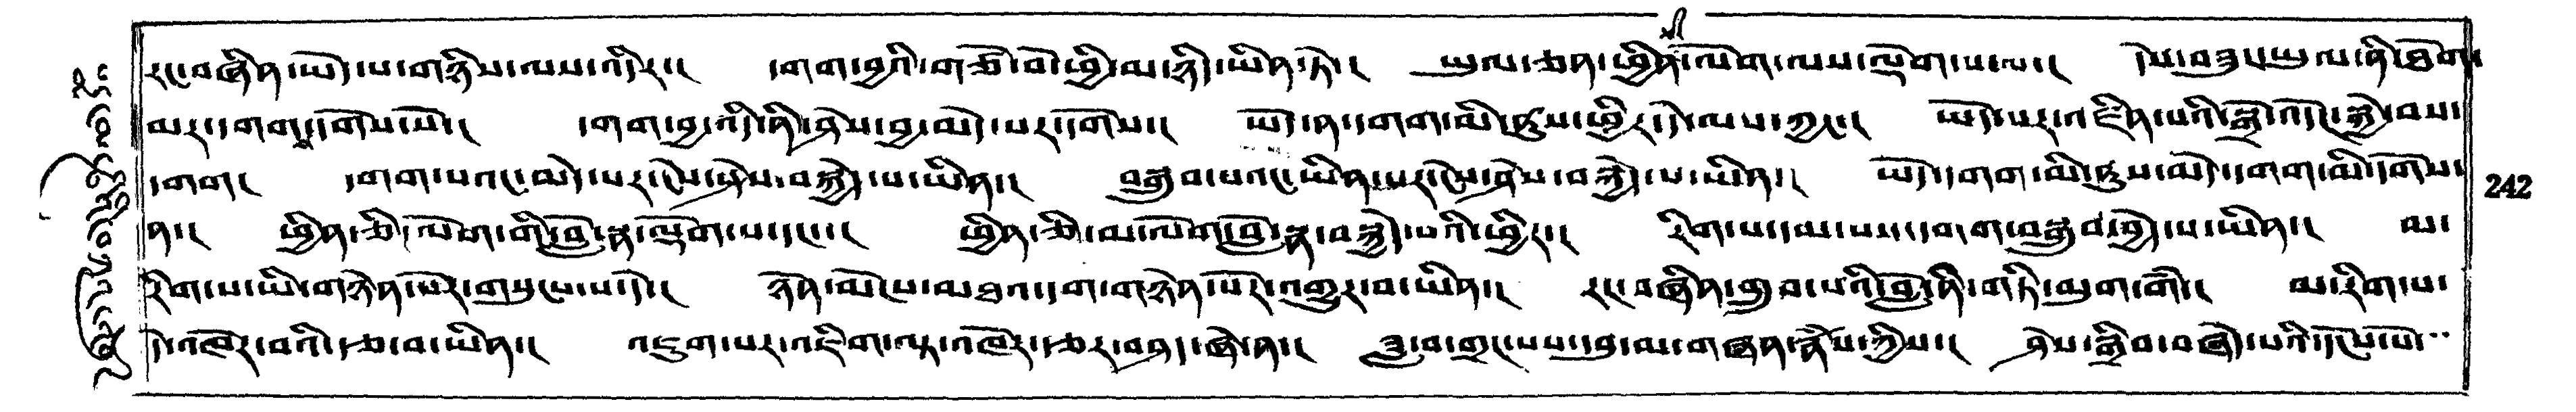རང་བཞིན་ཡོད་པ་གཉིས་ལས་འདིར། །དགག་བྱའི་གཙོ་བོ་ཕྱི་མ་ཉིད་ཡིན་ཏེ། །ཡུལ་ཅན་ཕྱིན་ཅི་ལོག་ལས་ལྡོག་པ་ལ། །དེས་བཟུང་ཡུལ་ནི་ཐོག་
མར་དགག་དགོས་སོ། །དགག་བྱ་འདི་ནི་ཤེས་བྱ་མེད་པར་དགོས། །ཡོད་ན་དགག་མི་ནུས་ཕྱིར་དེ་ལས་ཀྱང་། །ཡོད་པར་འཛིན་པའི་སྒྲོ་འདོགས་སྐྱེ་བས་
དགག། དགག་པའང་མེད་པར་ངེས་ཤེས་བསྐྱེད་པ་ཡིན། །བསྒྲུབ་པའང་ཡིན་པར་ངེས་ཤེས་བསྐྱེད་པ་ཡིན། །ཡོད་དགག་མི་ནུས་མེད་དགག་མི་དགོས་
ན། །ཕྱིན་ཅི་ལོག་གི་བློ་སྣ་ལྡོག་པ་དང་། །ཕྱིན་ཅི་མ་ལོག་བློ་སྣ་བསྐྱེད་པའི་ཕྱིར། །རིགས་པ་དམ་པས་དགག་བསྒྲུབ་བྱེད་པ་ཡིན། །མ་
རིག་པ་ཡི་གཉེན་པོར་གསུངས་པ་དེ། །ཉོན་མོངས་མཐའ་དག་གཉེན་པོར་འགྱུར་བ་ཡིན། །རང་བཞིན་གྲུབ་པའི་བློ་ནི་གཏི་མུག་གམ། །མ་རིག་པ་
དེ་འཁོར་བའི་རྩ་བ་ཡིན། །འཇུག་པར་འཇིག་ལྟ་འཁོར་རྩར་བཤད་ཅེ་ན། །ཟླ་བ་གྲགས་པས་དབུ་མ་གཞན་རྣམས་ཀྱིས། །ཤེས་སྒྲིབ་བཞེད་པའི་དངོས་པོ་